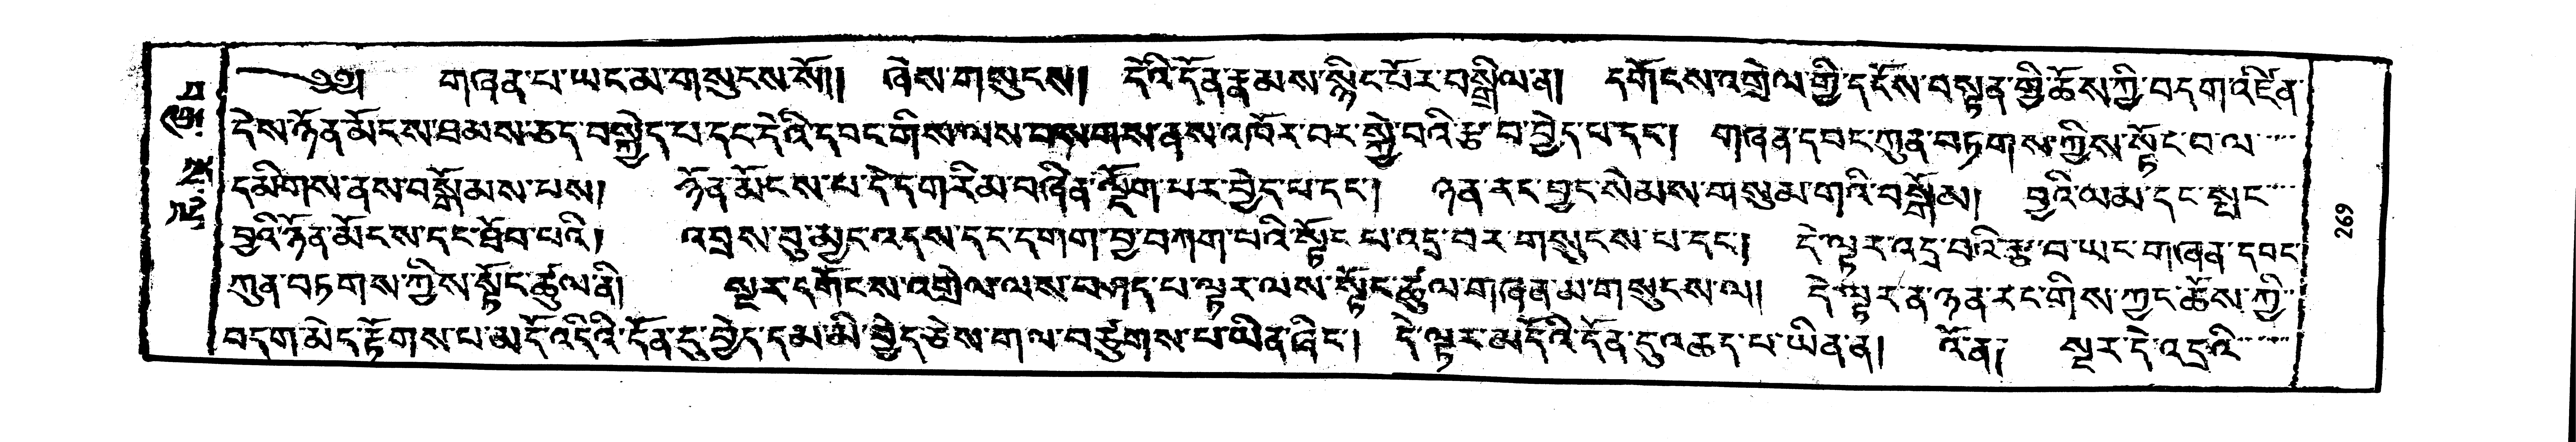༄༅། །གཞན་པ་ཡང་མ་གསུངས་སོ། །ཞེས་གསུངས། དེའི་དོན་རྣམས་སྙིང་པོར་བསྒྲིལ་ན། དགོངས་འགྲེལ་གྱི་དངོས་བསྟན་གྱི་ཆོས་ཀྱི་བདག་འཛིན་
དེས་ཉོན་མོངས་ཐམས་ཅད་བསྐྱེད་པ་དང་དེའི་དབང་གིས་ལས་བསགས་ནས་འཁོར་བར་སྐྱེ་བའི་རྩ་བ་བྱེད་པ་དང་། གཞན་དབང་ཀུན་བཏགས་ཀྱིས་སྟོང་བ་ལ་
དམིགས་ནས་བསྒོམས་པས། ཉོན་མོངས་པ་དེ་དག་རིམ་བཞིན་ལྡོག་པར་བྱེད་པ་དང་། ཉན་རང་བྱང་སེམས་གསུམ་གའི་བསྒོམ། བྱའི་ལམ་དང་སྤང་
བྱའི་ཉོན་མོངས་དང་ཐོབ་པའི། འབྲས་བུ་མྱང་འདས་དང་དགག་བྱ་བཀག་པའི་སྟོང་བ་འདྲ་བར་གསུངས་པ་དང་། དེ་ལྟར་འདྲ་བའི་རྩ་བ་ཡང་གཞན་དབང་
ཀུན་བཏགས་ཀྱིས་སྟོང་ཚུལ་ནི། སྔར་དགོངས་འགྲེལ་ལས་བཤད་པ་ལྟར་ལས་སྟོང་ཚུལ་གཞན་མ་གསུངས་ལ། དེ་ལྟར་ན་ཉན་རང་གིས་ཀྱང་ཆོས་ཀྱི་
བདག་མེད་རྟོགས་པ་མདོ་འདིའི་དོན་དུ་བྱེད་དམ་མི་བྱེད་ཅེས་གལ་བཙུགས་པ་ཡིན་ཞིང་། དེ་ལྟར་མདོའི་དོན་དུ་འཆད་པ་ཡིན་ན། འོ་ན། སྔར་དེ་འདྲའི་